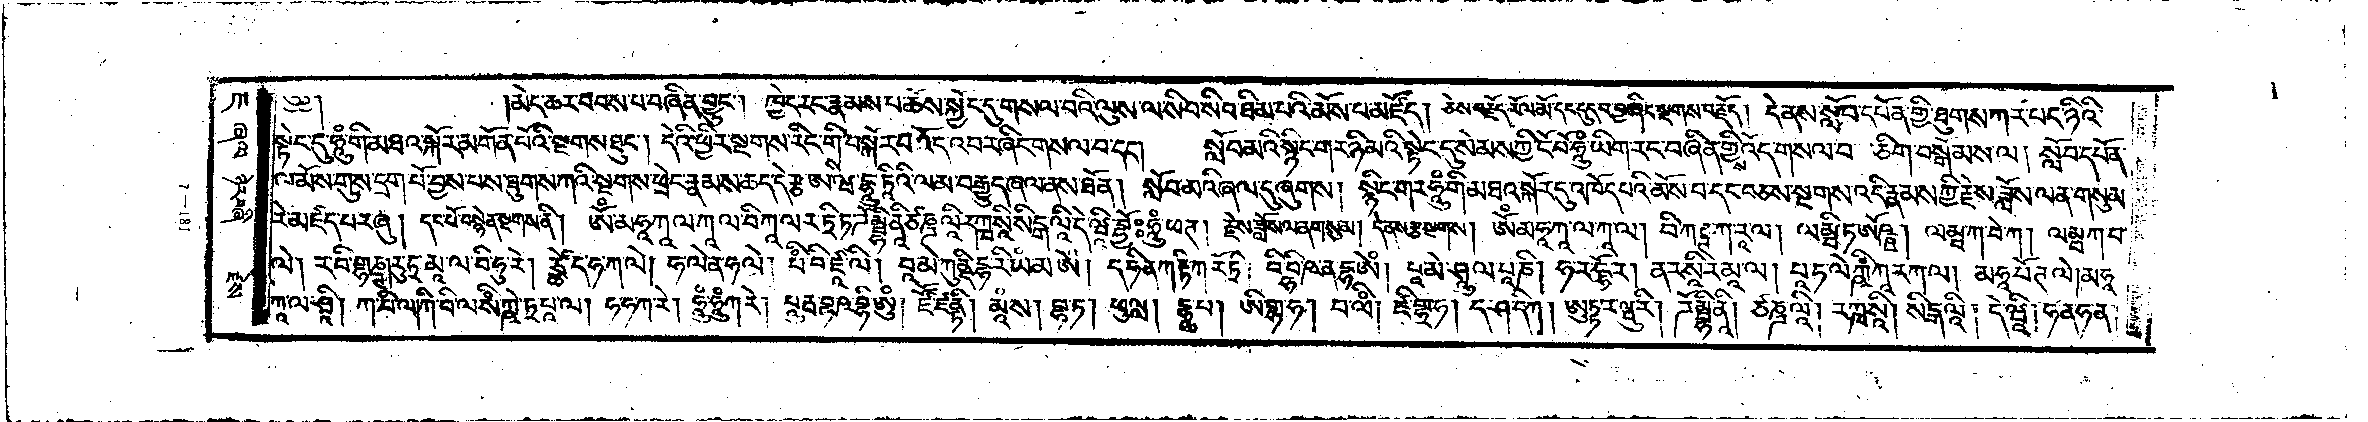༄༅། །མེད་ཆར་བབས་བ་བཞིན་བྱུང་། ཁྱེད་རང་རྣམས་པ་ཆོས་སྐྱོང་དུ་གསལ་བའི་ལུས་ལ་སིབ་སིབ་ཐིམ་པའི་མོས་པ་མཛོད། །ཞེས་བརྗོད་བེལ་མོ་དང་དུ་དབ་བྱ་ཞིང་སྔགས་བརྗོད།  དེ་ནས་སློབ་དཔོན་གྱི་ཐུགས་ཀར་པད་ཉིའི་
སྟེང་དུ་ཧཱུཾ་གི་མཐའ་སྐོར་མགོན་པོའི་སྔགས་ཐུང་། དེའི་ཕྱིར་སྔགས་རིང་གི་བསྐོར་བ་འོད་འབར་ཞིང་གསལ་བ་དང་། སློབ་མའི་སྙིང་གར་ཉི་མའི་སྟེང་དུ་སེམས་ཀྱི་ངོ་བོ་ཧཱུཾ་ཡིག་རང་བཞིན་གྱིས་འོད་གསལ་བ་ཅིག་བསྒོམས་ལ། སློབ་དཔོན་
ལ་མོས་གུས་དྲག་པོ་བྱས་པས་ཐུགས་ཀའི་སྔགས་ཕྲེང་རྣམས་ཆད་དེ་རྩ་ཨ་ཝ་དྷཱུ་ཏཱིའི་ལམ་བརྒྱུད་ཞལ་ནས་ཐོན། སློབ་མའི་ཞལ་དུ་ཞུགས། སྙིང་གར་ཧཱུཾ་གི་མཐའ་སྐོར་དུ་འཁོར་བའི་མོས་བ་དང་བཅས་སྔགས་འདི་རྣམས་ཀྱི་རྗེས་ཟློས་ལན་གསུམ་
རེ་མཛད་པར་ཞུ། དང་པོ་བསྙེན་སྔགས་ནི།  ཨོཾ་མཧཱ་ཀཱ་ལཀཱ་ལ་བིཀཱ་ལར་ཏྲི་ཏ་ཌོམྦྷི་ནཱི་ཙཎྜ་ལཱི་རཀྑ་སཱི་སིངྒ་ལཱི་དེ་ཝཱི་བྷྱོཿཧཱུཾ་ཕཊ། རྗེས་ཟློས་ལན་གསུམ། དེ་ནས་རྩ་སྔགས།  ཨོཾ་མཧཱ་ཀཱ་ལ་ཀཱ་ལ། བིཀཊྚ་ཀ་རཱ་ལ། ལམྦི་ཏ་ཨོཥཊཿཨ། ལམྦཀ་བེ་ཀ། ལམྦ་ཀ་བ་
ལེ༑ ར་བི་གྷཎྚ། རུཏྲ་མཱ་ལ་བི་ཧུ་རེ། ཙྪེ་ད་ཧ་ཀ་ལེ། ཧ་ལེན་ཧ་ལེ། པི་བི་ཛཱ་ལི། བཱ་མེ་ཀུནྡི་དྷརི་ཡཾ་མ་ཨེཾ། ད་ཧི་ན་ཀརྟི་ཀ་རོ་ཏྲི། བིབྷི་ཥ་ན་དྷ་ཨེཾ། བཱ་མེ་ཤཱུ་ལ་པཱ་ཎི། ཧ་ར་དྷོ་ར། ན་ར་སཱི་ར་མཱ་ལ། པཱ་ཏ་ལེ་ཀྵིཾ་ཀཱ་ར་ཀ་ལ། མཧཱ་པོ་ཊ་ལེ། མཧཱ་
ཀཱ་ལ་ཤྲཱི། ཀ་བི་ལསིཾཀྵེ་ཏྲ་པཱ་ལ། ཧཧ་ཀ་རེ། ཧཱུཾ་ཧཱུཾ་ཀ་རེ། པཱུ་རྦབྷ་ཥ་བྷི་ཨུཾ། ཛཽ་ཛནྟི། མཱཾ་ས། བྷཏ། ཕུལླ། དྷཱུཔ། ཨིགྷ་ཧ། བ་ལིཾ། ཛི་གྷྲཧ། ད་ཤ་དིཀ། ཨུཔྟར་ཝུ་རི། ཌོམྦྷི་ནཱི། ཙཎྜ་ལཱི། རཀྑ་སཱི། སིངྒ་ལཱི། དེ་ཝཱི། ཧ་ན་ཧ་ན།